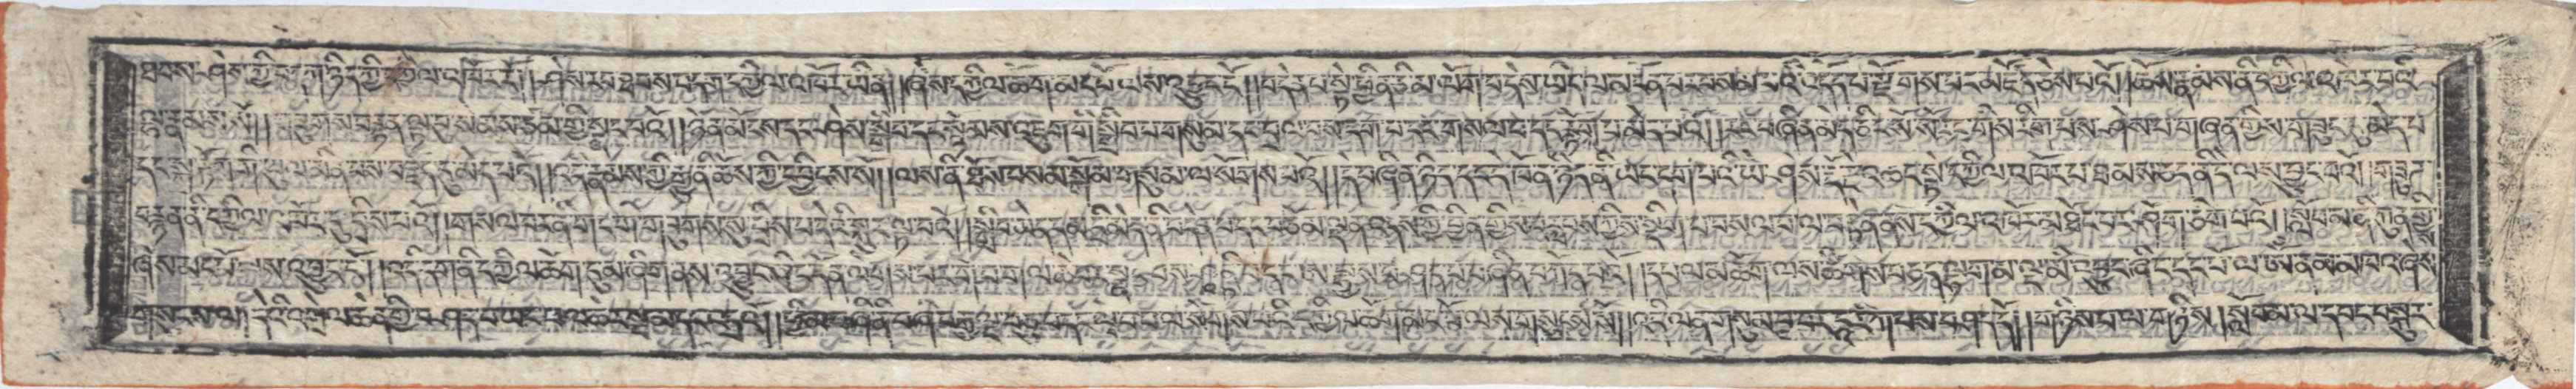ཐབས་ཤེས་ཀྱི་བདག་ཉིད་ཀྱི་དཀྱིལ་འཁོར་རོ། །ཤེས་རབ་ཐབས་བདག་དཀྱིལ་འཁོར་ཡིན། །ཞེས་དཀྱིལ་ཆོག་མང་པོ་ལས་འབྱུང་ངོ། །བདེན་པ་སྟེ་ཕྱིན་ཅི་མ་ལོག་པ་དེས་ཡིད་ལ་མངོན་པར་བསམ་པའི་འདོད་པ་རྫོགས་པར་མཛོད་ཅེས་པའོ། །ཆོས་རྣམས་ནི་དཀྱིལ་འཁོར་བའི་
ལྷ་རྣམས་སོ། །གཟུགས་བརྙན་ལྟ་བུ་སེམས་ཙམ་གྱི་སྣང་བའོ། །ཉོན་མོངས་དང་ཤེས་སྒྲིབ་དང་སྙོམས་འཇུག་གི་སྒྲིབ་པ་གསུམ་དང་བྲལ་བས་དག་པ་དང་གསལ་བ་དང་རྙོག་པ་མེད་པའོ། །རང་བཞིན་མེད་ཅིང་སོ་སོ་རང་གིས་རིག་པས་ཤེས་པ་གཞན་གྱིས་གཟུང་དུ་མེད་པ་
དང་སྐྲ་རྟོག་གི་ཡུལ་མིན་པས་བརྗོད་དུ་མེད་པའོ། །འདི་རྣམས་ཀྱི་རྒྱུ་ནི་ཆོས་ཀྱི་དབྱིངས་སོ། །ལས་ནི་ཐོས་བསམ་སྒོམ་གསུམ་ལ་སོགས་པའོ། །དེ་བཞིན་ཉིད་དང་དེ་ཁོ་ན་ཉིད་ནི་ཡང་དག་པའི་ཡེ་ཤེས་རྡོ་རྗེ་འཆང་སྟེ་དཀྱིལ་འཁོར་པ་ཐམས་ཅད་ནི་དེ་ལས་བྱུང་བའོ། །གཟུགས་
བརྙན་ནི་དཀྱིལ་འཁོར་དུ་བྲིས་པའོ། །གསལ་བར་ནི་གང་གི་གཟུགས་སུ་བྲིས་པ་དེའི་སྐུར་ལྟ་བའོ། །སྒྲིབ་མེད་དམ་དྲི་མེད་ནི་བདེན་པ་དང་བཅོམ་ལྡན་འདས་ཀྱི་བྱིན་གྱིས་བརླབས་ཀྱིས་སྡིག་པ་བསལ་བ་ལ་བརྟེན་ནས་དཀྱིལ་འཁོར་མཐོང་བར་ཤོག་ཅིག་པའོ། །སློབ་མ་ནི་ཀུན་གྱིས་
ཞེས་མང་པོ་ལས་འབྱུང་ངོ། །འདི་དག་ནི་དཀྱིལ་ཆོག་དུ་མ་ཞིག་ནས་འབྱུང་ཞིང་དོན་ལེགས་པར་གོ་བ་གལ་ཆེ་བར་སྣང་བས་ཤཱནྟི་པ་དང་ཨ་བྷྱས་བཤད་པ་བཞིན་བཀོད་པའོ། །དཔལ་མཆོག་ལས་ཚིགས་བཅད་ལྷག་མ་ལྔ་མི་འབྱུང་ཞིང་དང་པོ་ལ་ཨོཾ་ནམ་མཁའ་ཞེས་?
གསུངས་ལ། དེའི་འགྲེལ་ཆེན་གྱི་བཤད་པ་ཡང་ཕལ་ཆེར་སྔ་མ་དང་འདྲའོ། །ཕྱི་མ་བཞི་ནི་བཞི་བརྒྱ་ལྔ་བཅུ་པ་དང་ལྭ་བ་པ་ལ་སོགས་པའི་དཀྱིལ་ཆོག་མང་པོ་ལས་གསུངས་སོ། །འདི་ལན་གསུམ་བྱ་བར་དཱ་རི་ཀ་པས་བཤད་དོ། །གཉིས་པ་ལ་གཉིས། སློབ་མ་ལ་དབང་བསྐུར་